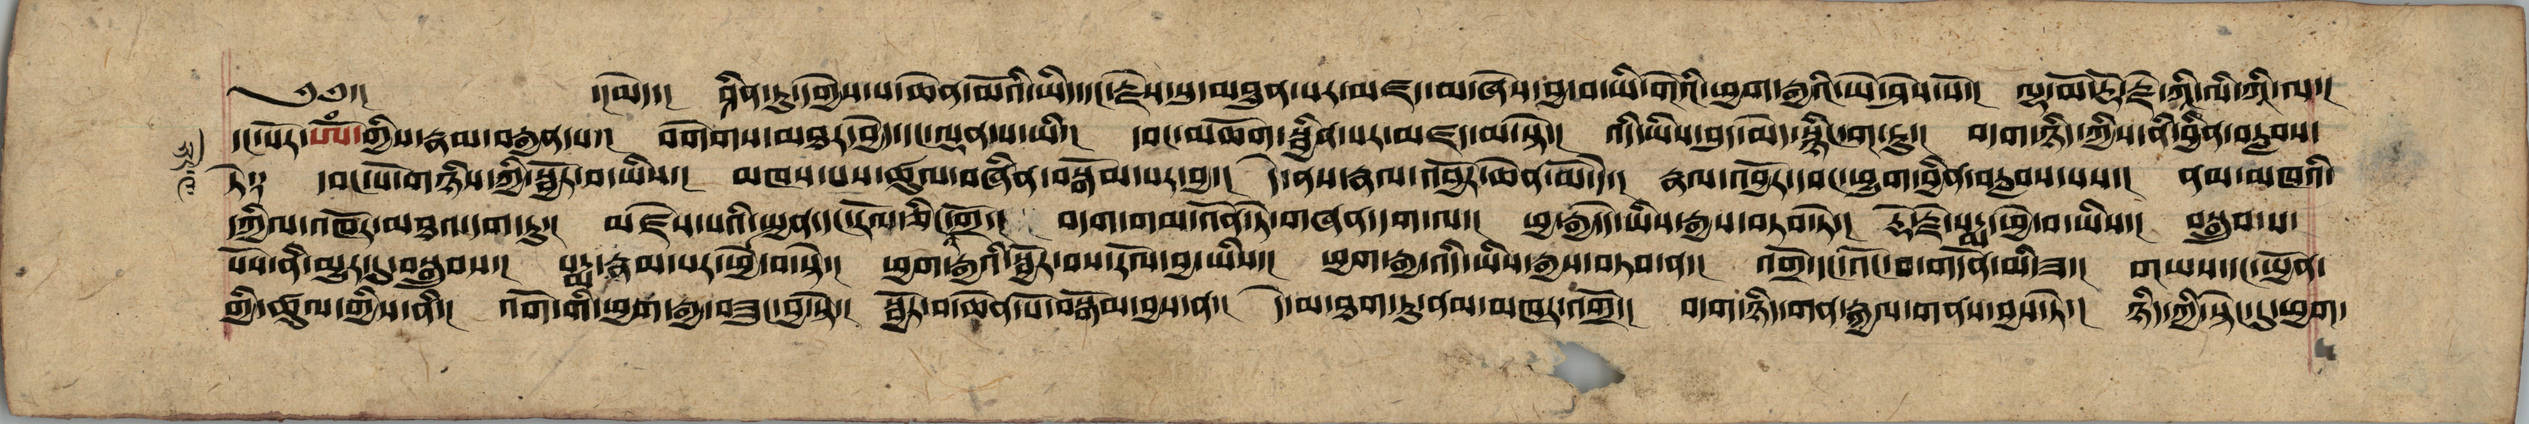༄༅་། ་།མེད་། ཤིན་ཏུ་དགྱེས་པ་ཆེན་མོའི་ཡིད་དང་རྗེས་སུ་མཐུན་པར་མཛད་མ་ཞེས་བྱ་བ་ཡི་གེའི་ཕྱག་རྒྱའི་ཡེ་ཤེས་སོ་། ལྷ་མོ་རྡོ་རྗེ་ཀཱི་ལི་ཀཱི་ལ་།
དང་པོར་ཨོཾ་གྱིས་རྣམ་བརྒྱན་པ་། བགེགས་མཐར་བྱེད་དང་ལྡན་པ་ཡི་། དབང་མཆོག་སྦྱིན་པར་མཛད་མ་སྟེ་། འདི་ཡིས་བུད་མེད་སྙིང་ག་རུ་། བདག་ཉིད་ཀྱིས་ནི་བྱིན་བརླབས་
ཏེ༑ དབང་པོ་གཉིས་ཀྱི་སྦྱོར་བ་ཡིས་། མཁས་པས་ཚུལ་བཞིན་བསྒོམ་པར་བྱ་། དེ་ནས་རྣལ་འབྱོར་ཆེན་མོ་དེ་། རྣལ་འབྱོར་དབང་ཕྱུག་བྱིན་བརླབས་པས་། ནམ་མཁའི་
དཀྱིལ་འཁོར་མཐའ་དག་ཏུ་། མཛེས་པའི་སྤྱན་དང་རོལ་ཅིང་འགྲོ་། བདག་གམ་འོན་ཏེ་གཞན་དག་ལ་། ཕྱ་རྒྱ་དེ་ཡིས་རྒྱས་བཏབ་ཏེ་། རྡོ་རྗེ་པདྨ་ཕྱེ་བ་ཡིས་། བསྒྲུབ་པ་
པོས་ནི་མྱུར་དུ་བསྒྲུབས་། པདྨ་རྣམ་པར་ཕྱེ་བ་སྟེ་། ཕྱག་རྒྱའི་སྦྱོར་བས་རོལ་བྱ་ཡིས་། ཕྱག་རྒྱ་འདི་ཡིས་རྒྱས་བཏབ་ན་། འགྲོ་དང་འོང་བ་གདོན་མི་ཟ་། གཡས་དང་ཡྱོན་
གྱི་ཚུལ་གྱིས་ནི་། འོག་གི་ཕྱག་རྒྱ་བཟུང་བྱ་སྟེ་། སྦྱོར་བ་ཆེན་པོ་བསྒོམ་བྱས་ན་། དེ་མ་ཐག་ཏུ་ནམ་མཁར་འགྲོ་། བདག་ཉིད་གན་རྐྱལ་གནས་བྱས་ཏེ་། ཉིད་ཀྱི་སྟེང་དུ་ཕྱག་